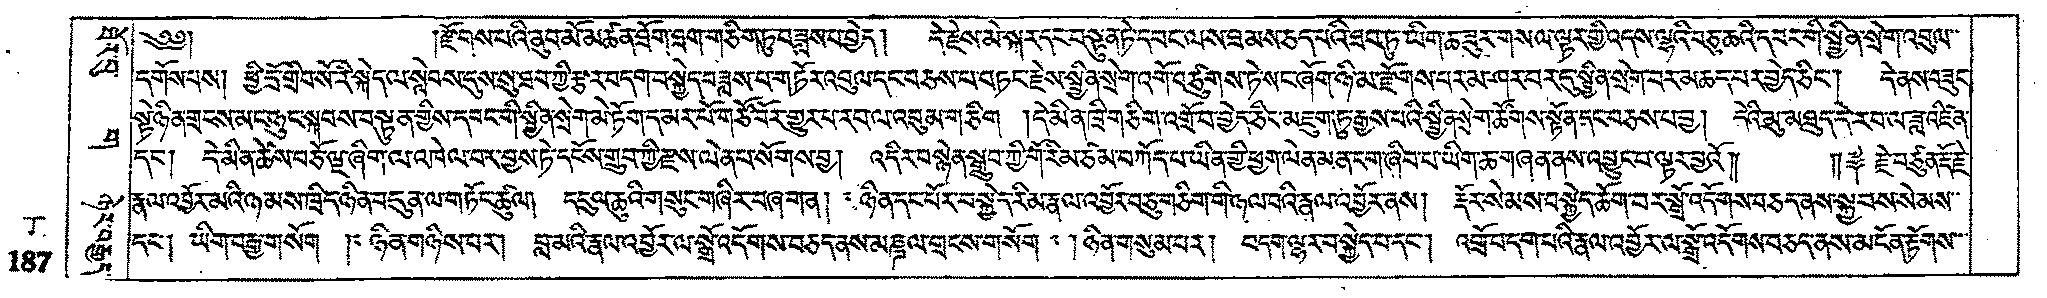༄༅། །རྫོགས་པའི་ནུབ་མོ་མཚན་ཐོག་ཐག་གཅིག་ཏུ་བཟླས་པ་བྱེད། དེ་རྗེས་མེ་སྐར་དང་བསྟུན་ཏེ་དབང་ལས་ཐམས་ཅད་པའི་ཐབ་ཏུ་ཡིག་ཆ་ཟུར་གསལ་ལྟར་གྱི་འདས་ལྷའི་བཅུ་ཆའི་དབང་གི་སྦྱིན་སྲེག་འབུལ་་་
དགོས་པས། ཕྱི་དྲོ་གྲིབ་སོ་རི་སྐེད་ལ་སླེབས་དུས་སུ་ཐབ་ཀྱི་རྩར་བདག་བསྐྱེད་བཟླས་པ་གཏོར་འབུལ་དང་བཅས་པ་བཏང་རྗེས་སྦྱིན་སྲེག་འགོ་བཙུགས་ཏེ་སང་ཞོག་ཉི་མ་རྫོགས་པར་མ་ཤར་བར་དུ་སྦྱིན་སྲེག་བར་མ་ཆད་པར་བྱེད་ཅིང་། དེ་ནས་བཟུང་
སྟེ་ཉིན་གྲངས་མང་ཉུང་སྐབས་བསྟུན་གྱིས་དབང་གི་སྦྱིན་སྲེག་མེ་ཏོག་དམར་པོ་གཙོ་བོར་གྱུར་པ་རབ་ལ་འབུམ་གཅིག །དེ་མིན་ཁྲི་གཅིག་འགྲོ་བ་བྱེད་ཅིང་མཇུག་ཏུ་རྒྱས་པའི་སྦྱིན་སྲེག་ཚོགས་སྟོན་དང་བཅས་པ་བྱ། དེའི་མུ་མཐུད་དེ་རབ་ལ་ཟླ་འཛིན་
དང་། དེ་མིན་ཚེས་བཅོ་ལྔ་ཞིག་ལ་འཁེལ་བར་བྱས་ཏེ་དངོས་གྲུབ་ཀྱི་རྫས་ལེན་པ་སོགས་བྱ། འདིར་བསྙེན་སྒྲུབ་ཀྱི་གོ་རིམ་ཙམ་བཀོད་པ་ཡིང་ཡི་ཕྱག་ལེན་མན་ངག་ཞིབ་པ་ཡིག་ཆ་གཞན་ནས་འབྱུང་བ་ལྟར་བྱའོ།། །། འ་རྗེ་བཙུན་རྡོ་རྗེ་
རྣལ་འབྱོར་མའི་ཉམས་ཁྲིད་ཉིན་བདུན་ལ་གཏོང་ཚུལ། དངུལ་ཆུའི་གསུང་གཞིར་བཞག་ན། ༧ཉིན་དང་པོར་བསྐྱེད་རིམ་རྣལ་འབྱོར་བཅུ་གཅིག་གི་ཉལ་བའི་རྣལ་འབྱོར་ནས། རྡོར་སེམས་བསྐྱེད་ཆོག་བར་སྒྲོ་འདོགས་བཅད་ནས་སྐྱབས་སེམྶ་་་
དང་། ཡིག་བརྒྱ་གསོག །༧ཉིན་གཉིས་པར། བླ་མའི་རྣལ་འབྱོར་ལ་སྒྲོ་འདོགས་བཅད་ནས་མཎྜལ་གྲངས་གསོག ༧།ཉིན་གསུམ་པར། བདག་ལྷར་བསྐྱེད་པ་དང་། འགྲོ་བ་དག་པའི་རྣལ་འབྱོར་ལ་སྒྲོ་འདོགས་བཅད་ནས་མངོན་རྟོགས་་་